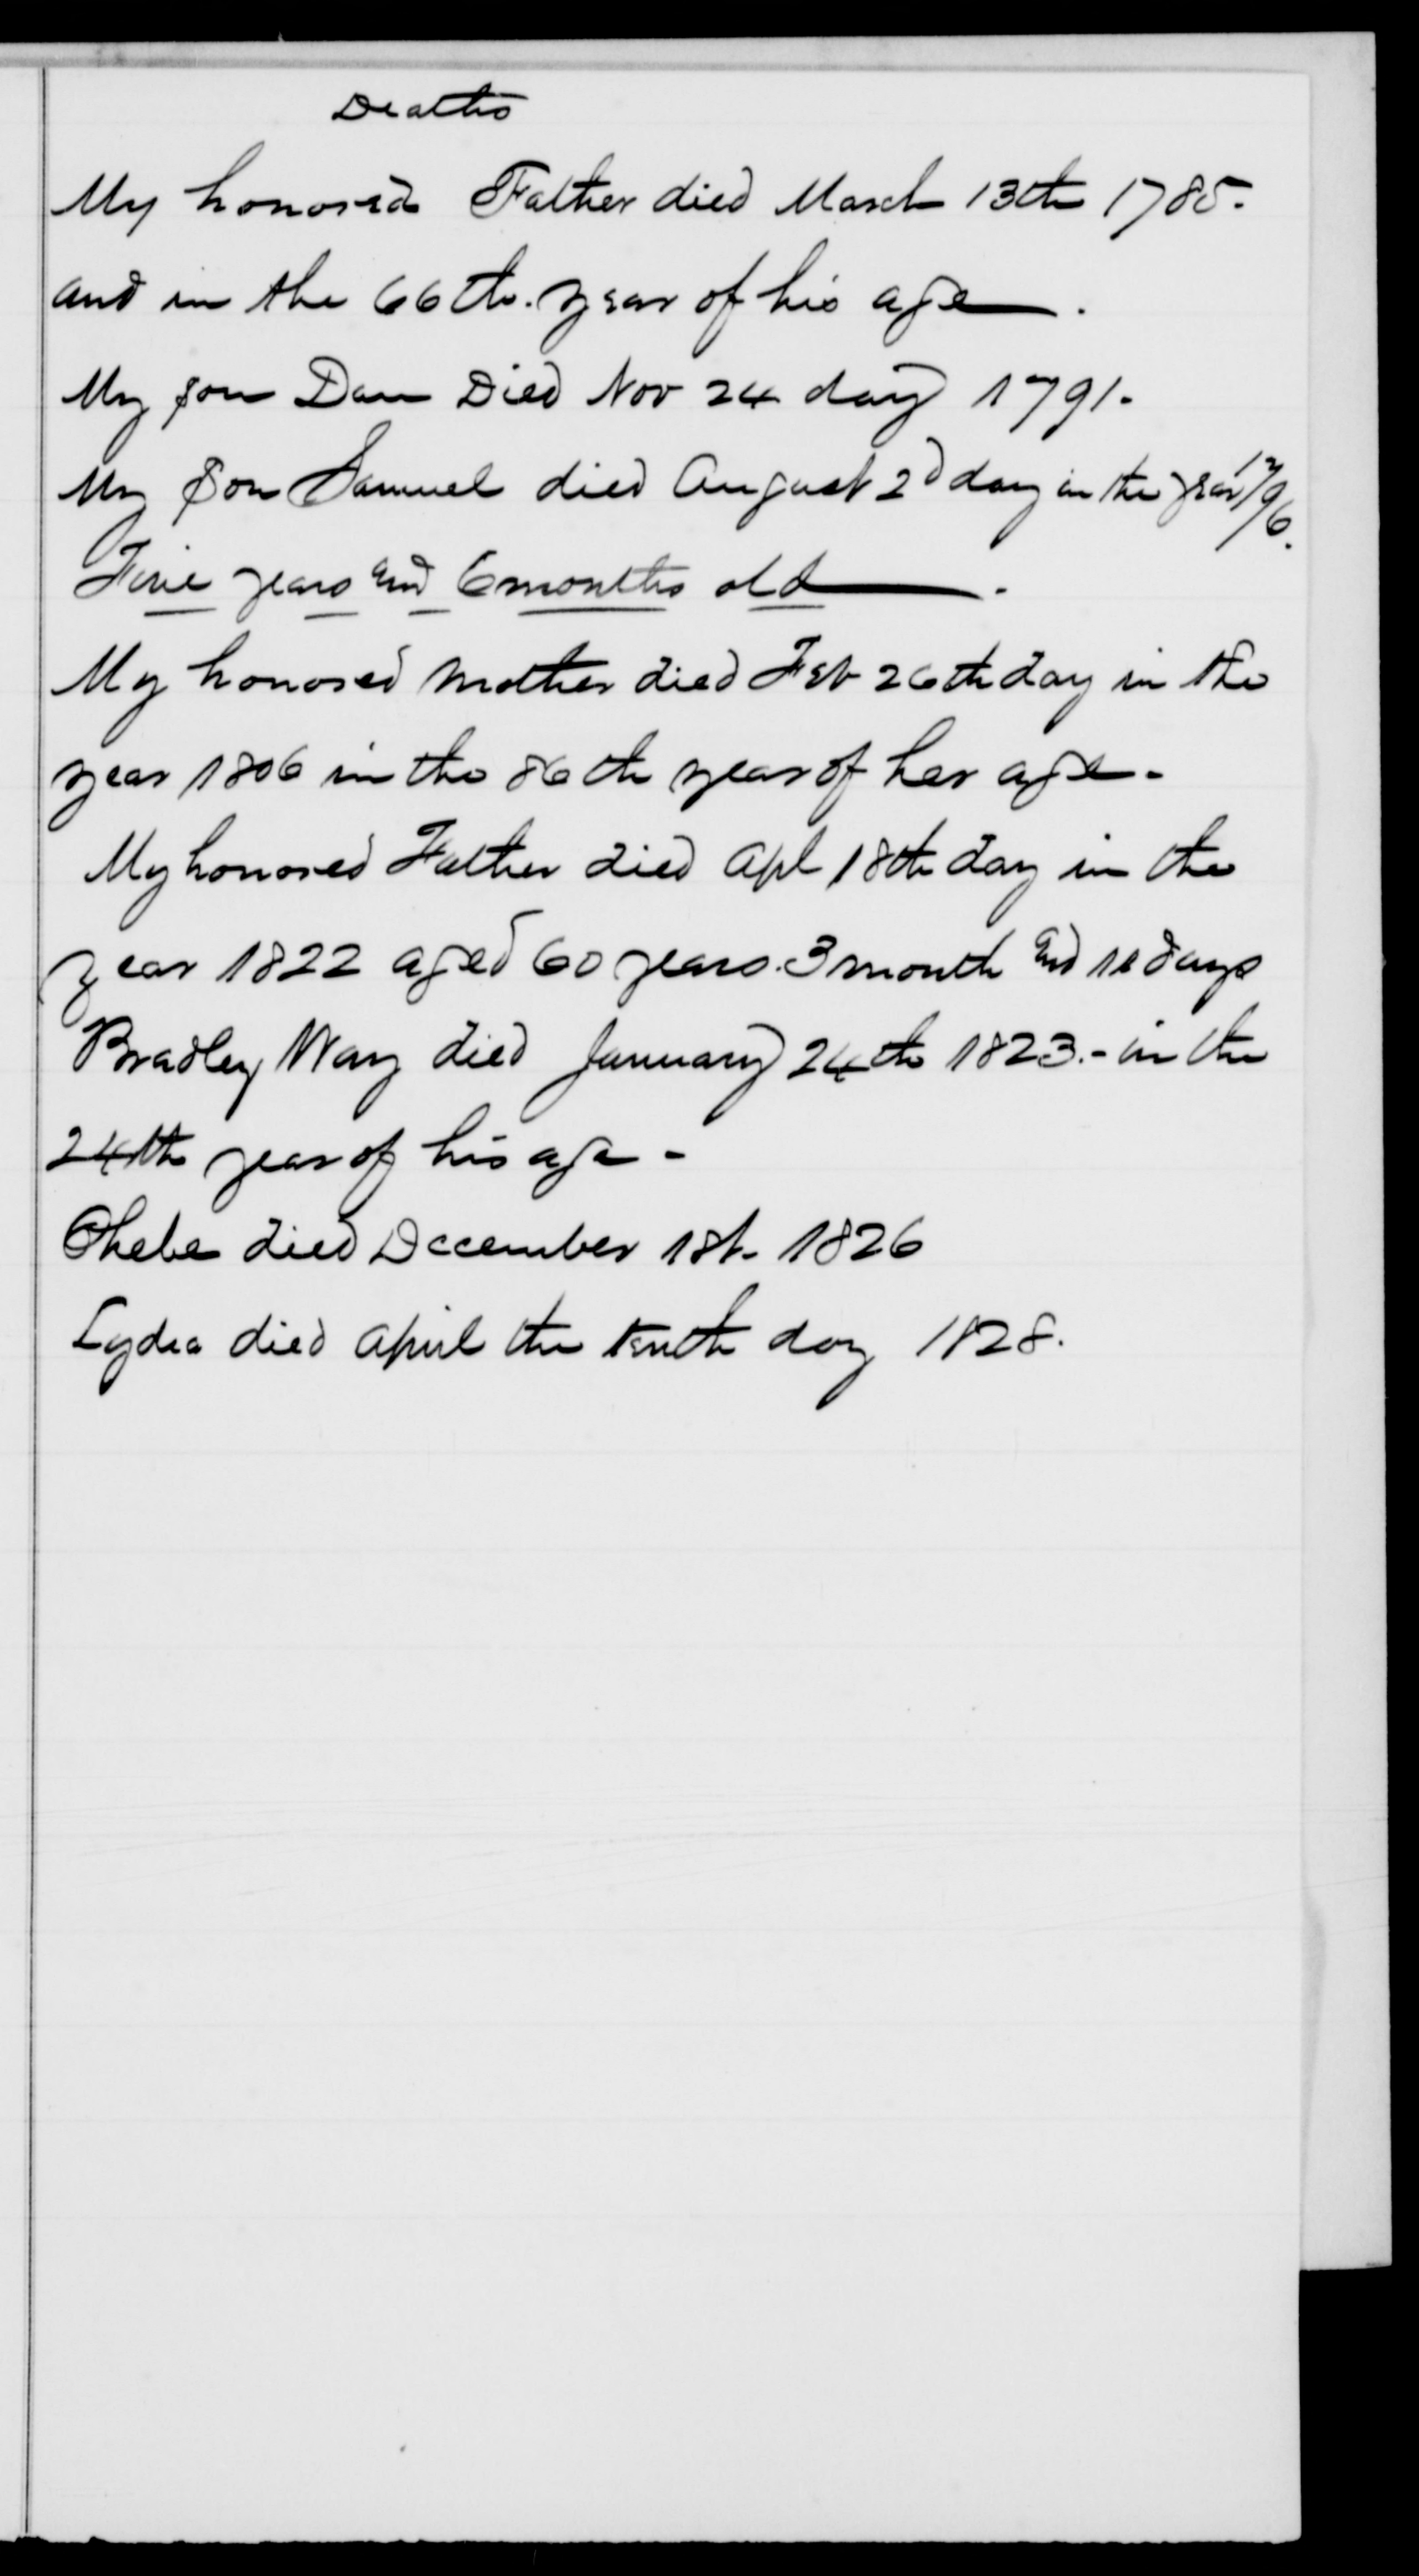Deaths
my honored Father died March 13th 1785.
and in the 66th year of his age
My son Dave Died Nov 24 day 1791.
my son Samuel died August 2d day in the year 1796
Five years and  6 months old
My honored mother died Feb 26th day in the
year 1806 in the 86th year of her age
My honored Father died Apl 18th day in the
year 1822 aged 60 years 3 month and 11 days
Bradley Way died January 24th 1823 in the
24th year of his age-
Phebe died December 18th 1826
Lydia died April the tenth day 1828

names: Bradley Way, Phebe, Dan, Samuel, Lydia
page: 14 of 78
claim: widow's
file: W. 25856, Samuel Way, N.H.